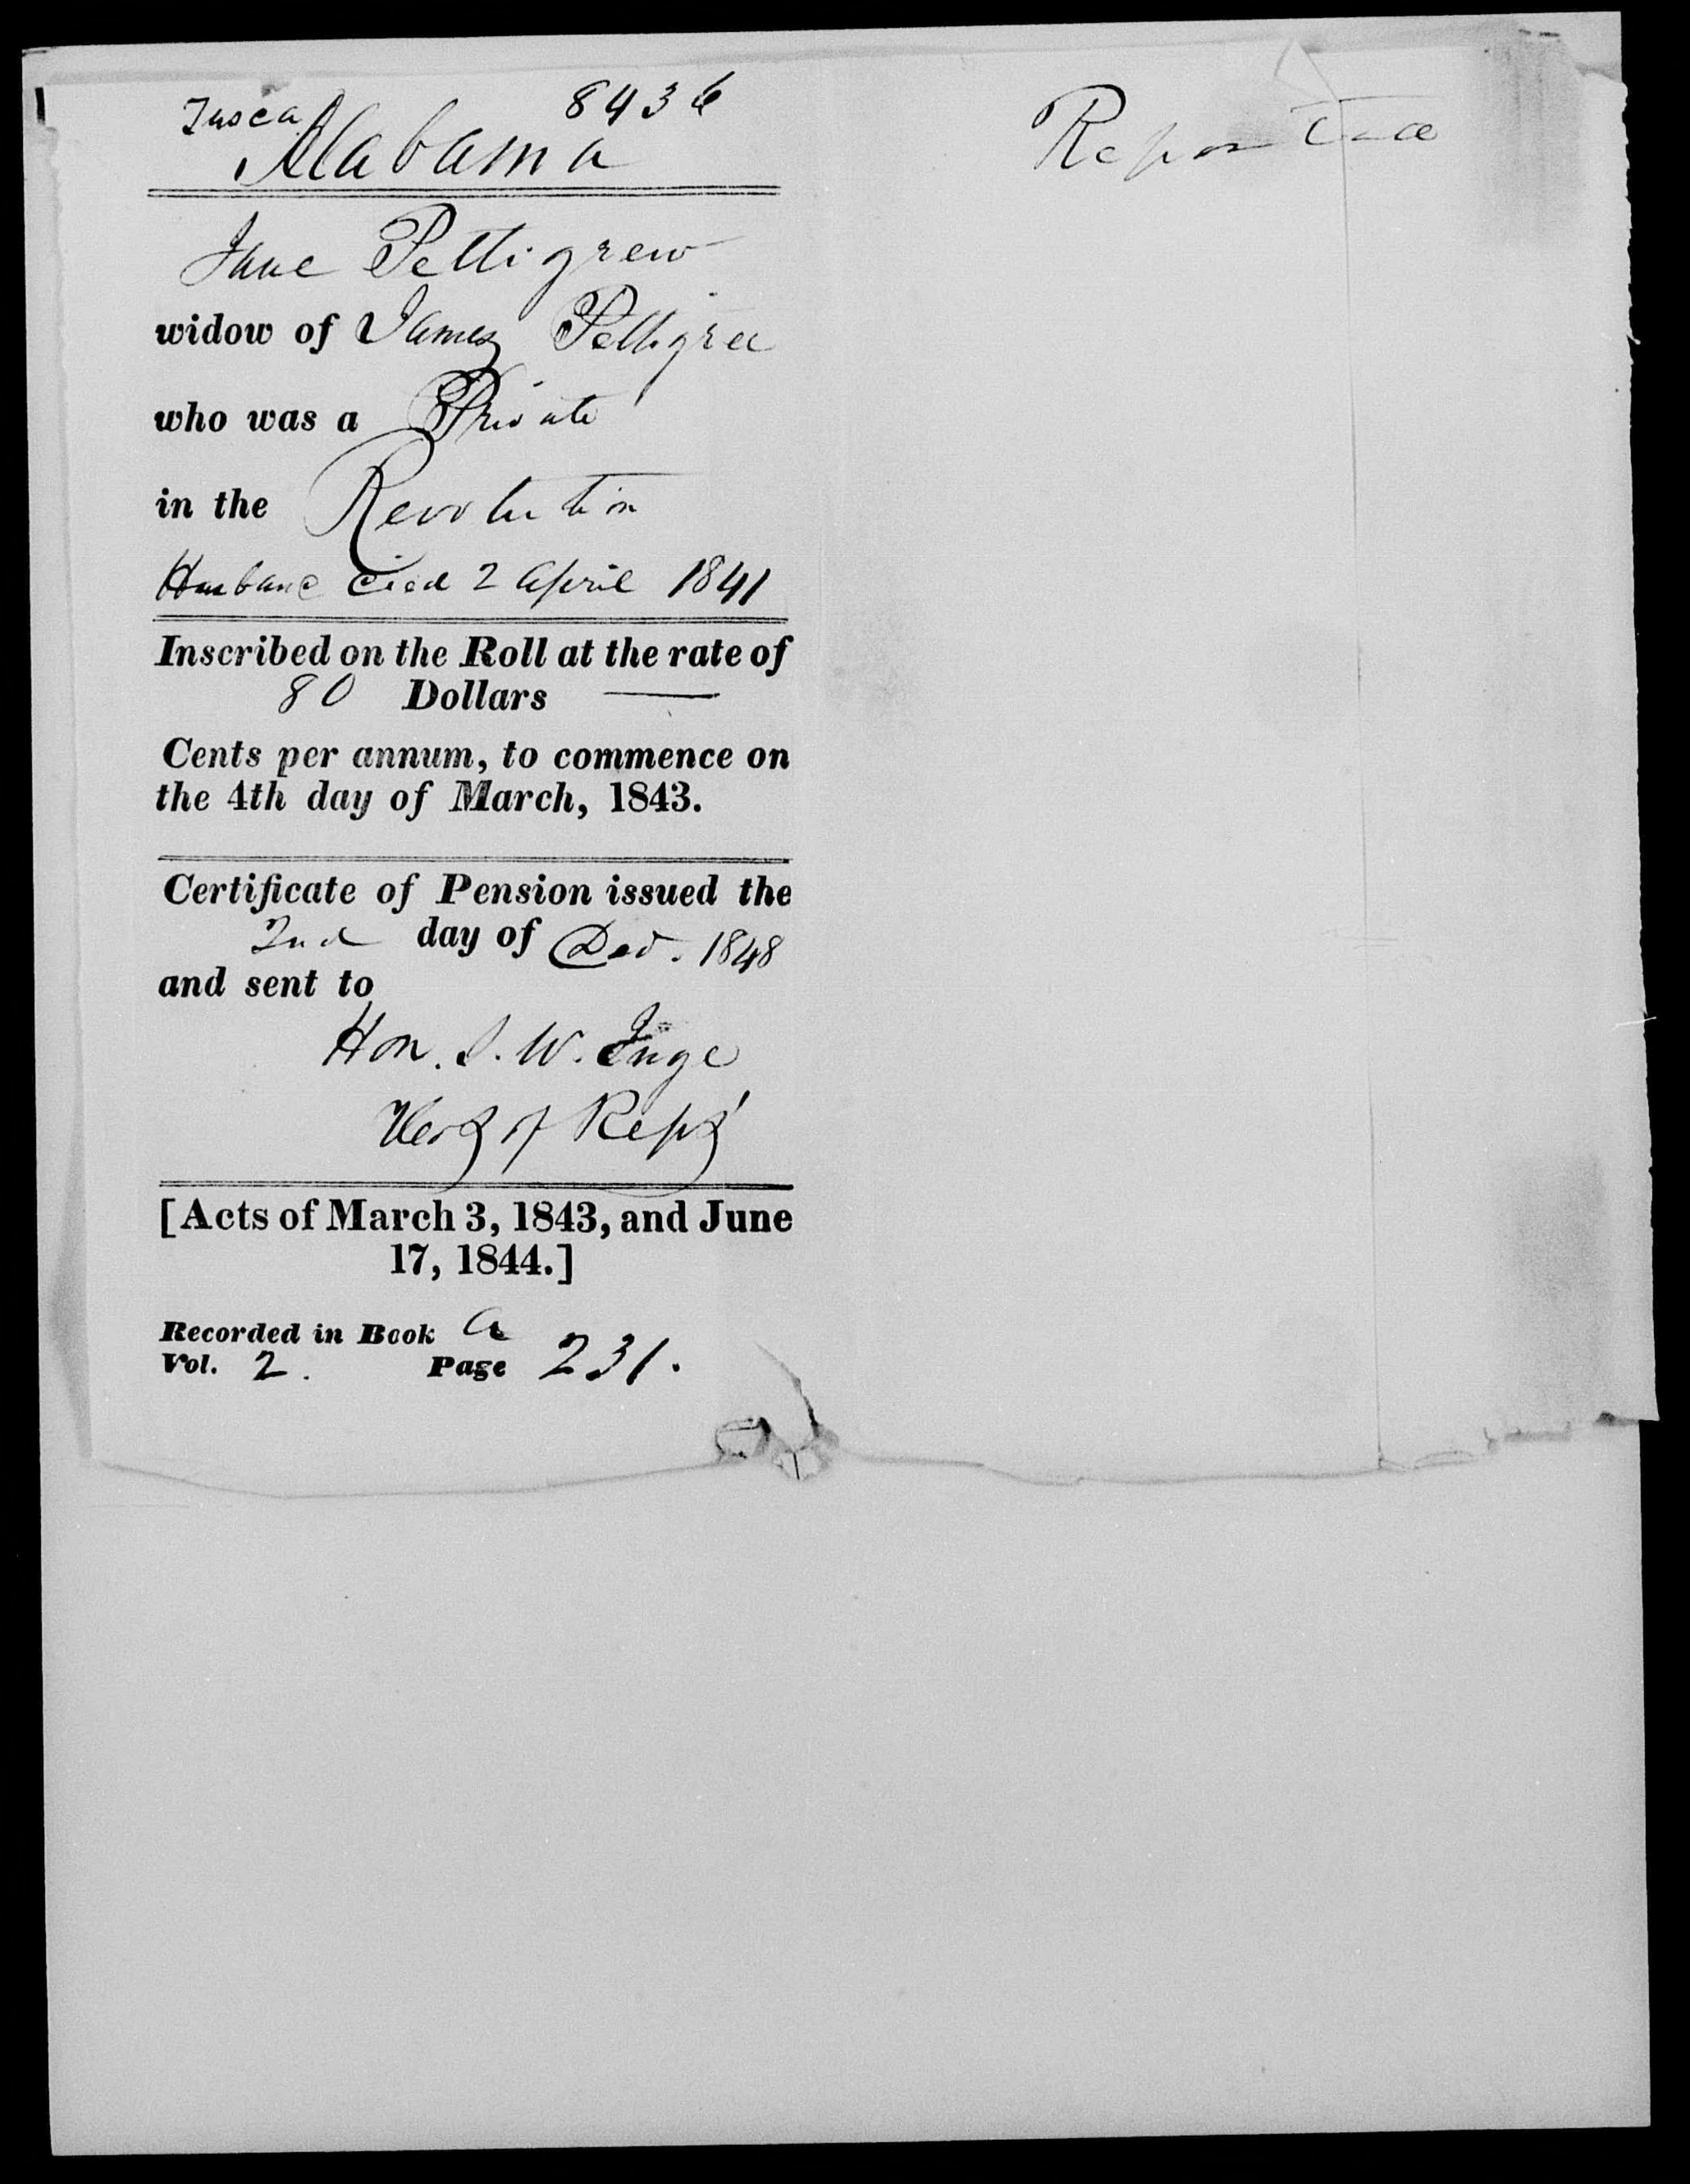Tusca 8436
Alabama

Jane Pettigrew
widow of James Pettigrew
who was a Private
in the Revolution
Husband died 2 April 1841

Inscribed on the Roll at the rate of 80 Dollars -
and sent to Hon. J. W. Inge
War of Reps

[Acts of March 3, 1843, and June 17, 1844.]
Recorded in Book 9
Vol. 2. Page 231.

Report all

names: Jane Pettigrew; J W Inge; James Pettigree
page: 29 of 92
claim: widow's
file: W. 5522, for James Pettigrew, South Carolina